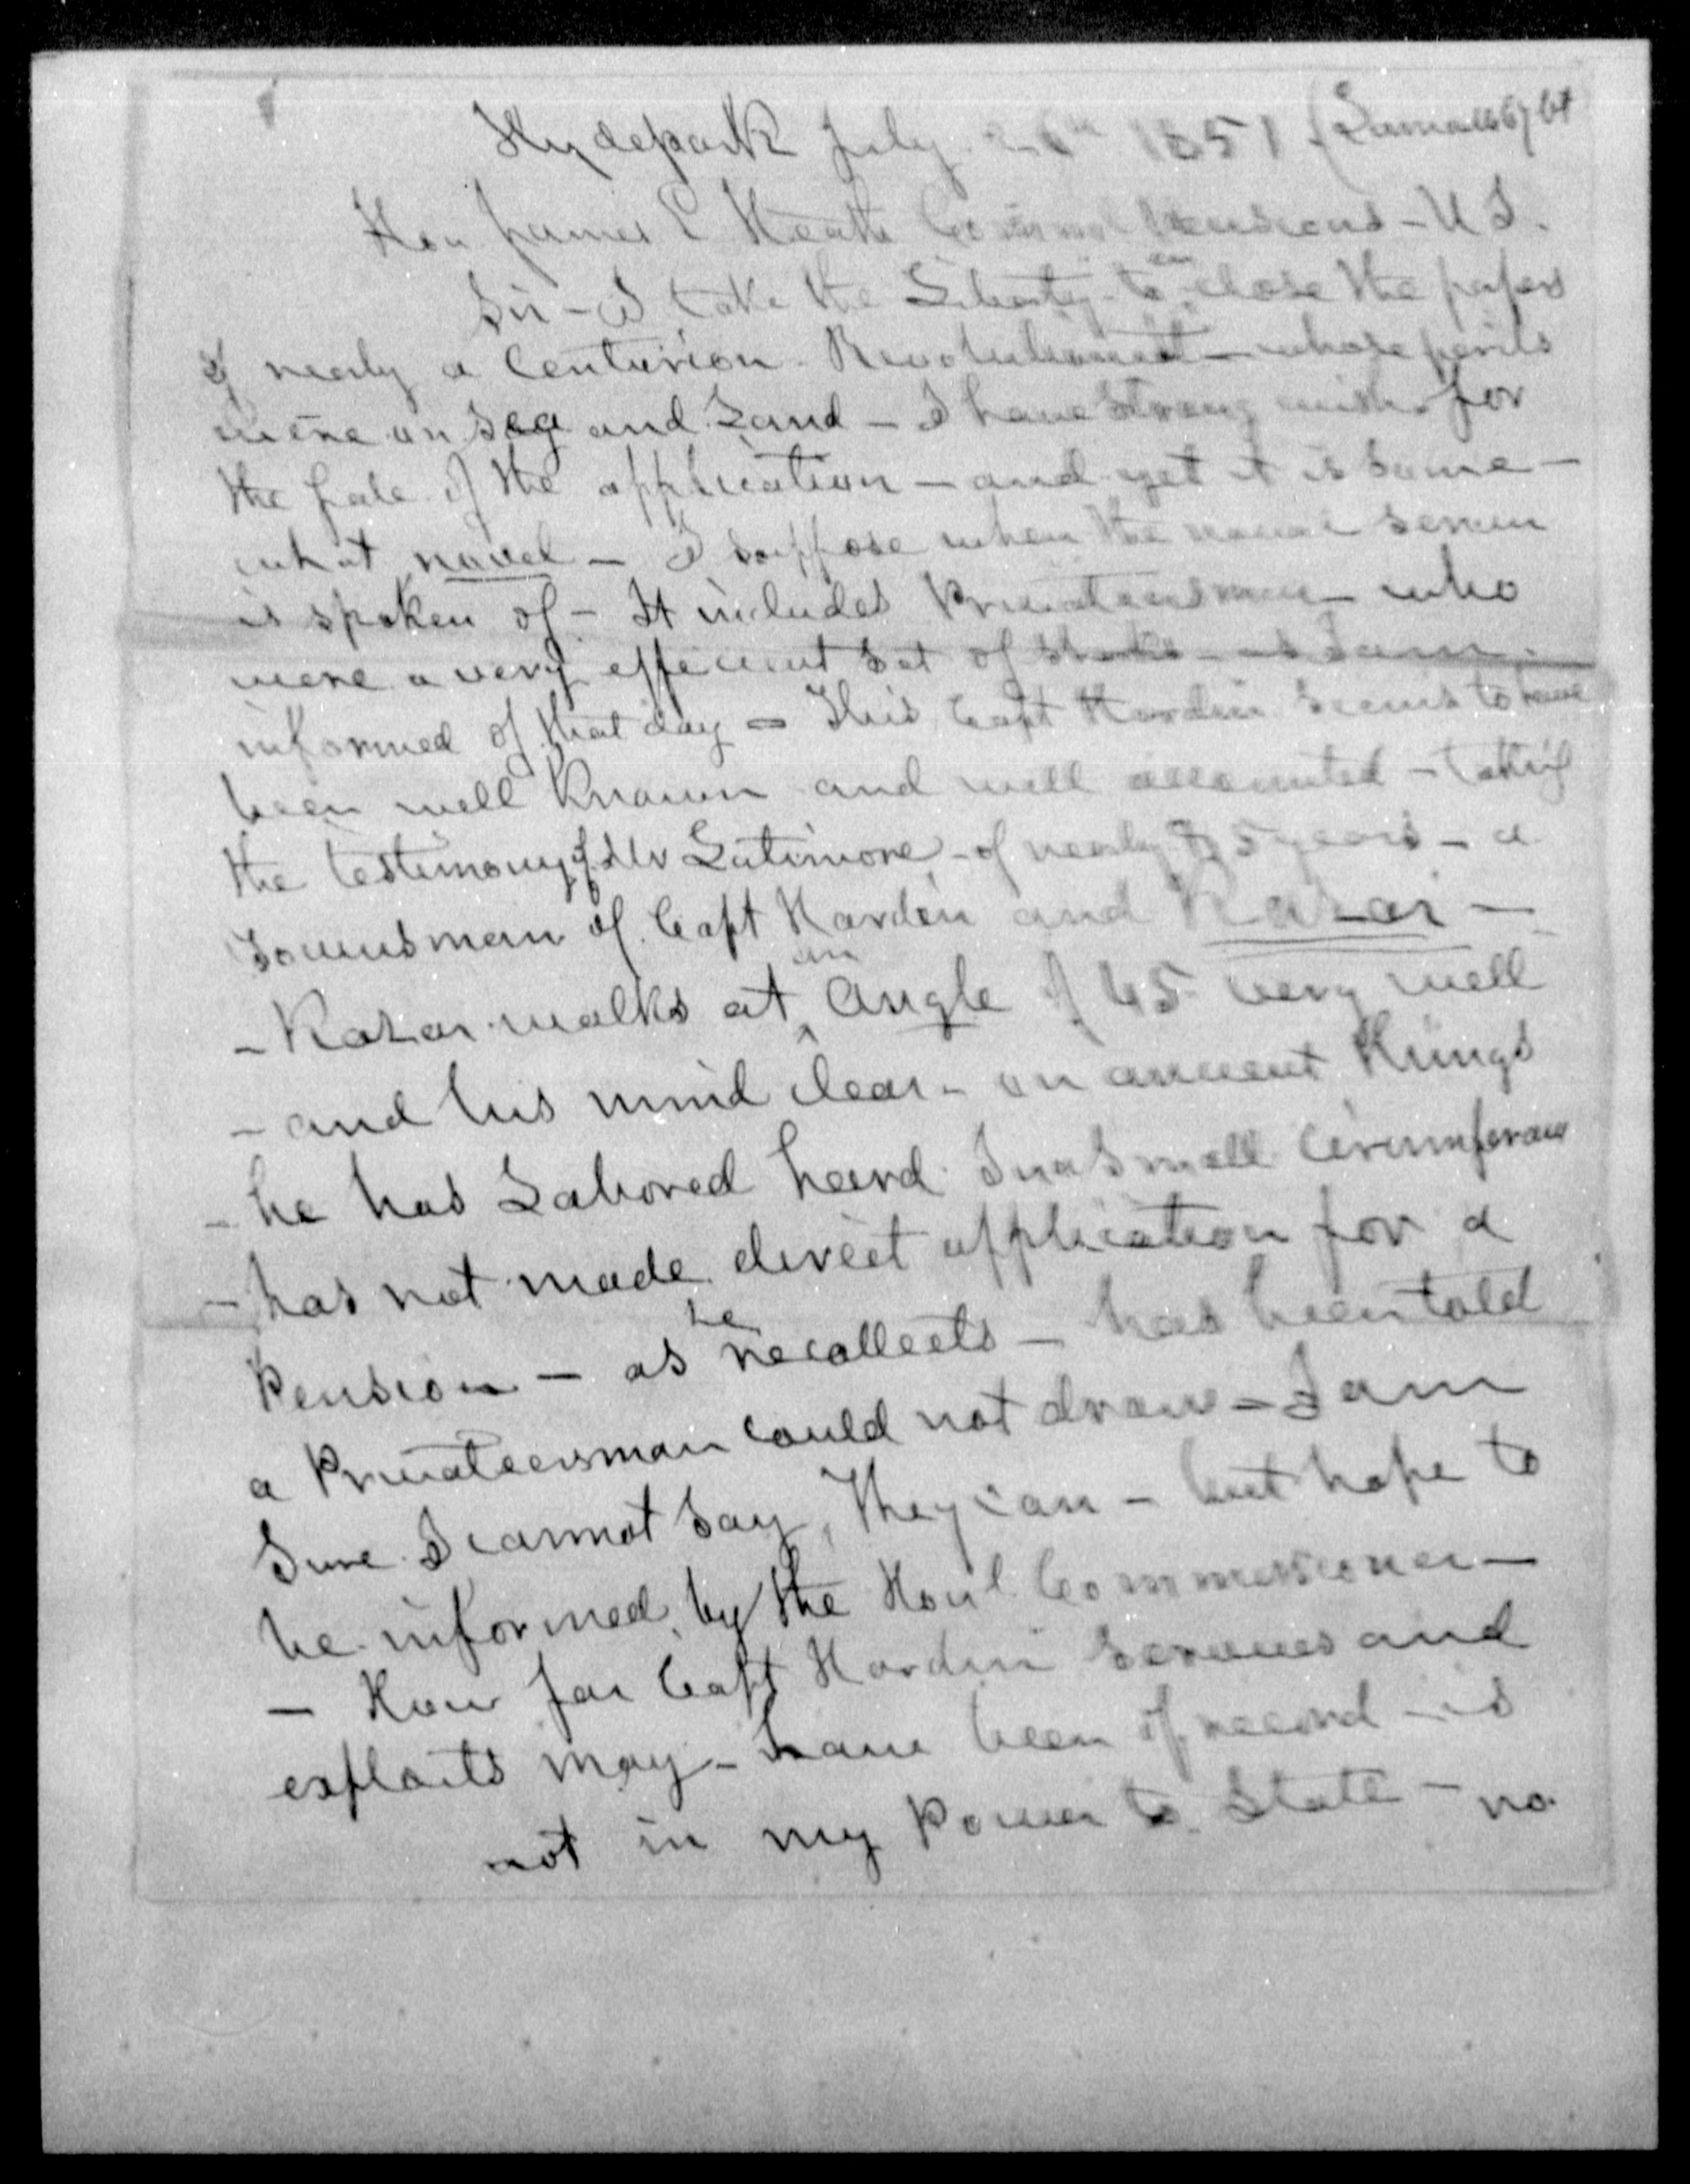My dispatch July 6th 1851 Lamoille Co Vt.
Hon James E. Heath Comm. Pensions - U.S.
Sir, I take the liberty to enclose the papers of
nearly a Centurion Revolutionist - whose perils
were on sea and Land - I have strong wish for 
the fate of his application - and yet it is somewhat 
novel - I suppose when the naval service 
is spoken of -  it includes Privateers men - who
were a very efficient set of [illegible] as I am 
informed of that day - This Captain Hardin seems to have 
been well known and will accounted  -taking
the testimony of Mr. Latimore - of nearly 85 years - a
[illegible] man of Capt Harden and Razar-
Razar walks at an Angle of 45 very well
and his mind clear - on ancient things
he has labored hard. In a small circumference
has not made direct application for a
Pension - as he recollects - has been told
a privateersman could not draw- I am 
Sure I cannot say they can - but hope to
he informed by the Honl Commissioner -
how far Capt Hardin services  and
exploits may have been of record - is
not in my power to state- no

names: [BLANK] Hardin; [BLANK] Razar; [BLANK] Latimore; [BLANK] Razar; [BLANK] Hardin; James E Heath; [BLANK] Hardin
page: 21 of 30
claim: rejected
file: R. 8625, for Elisha Razar, Connecticut